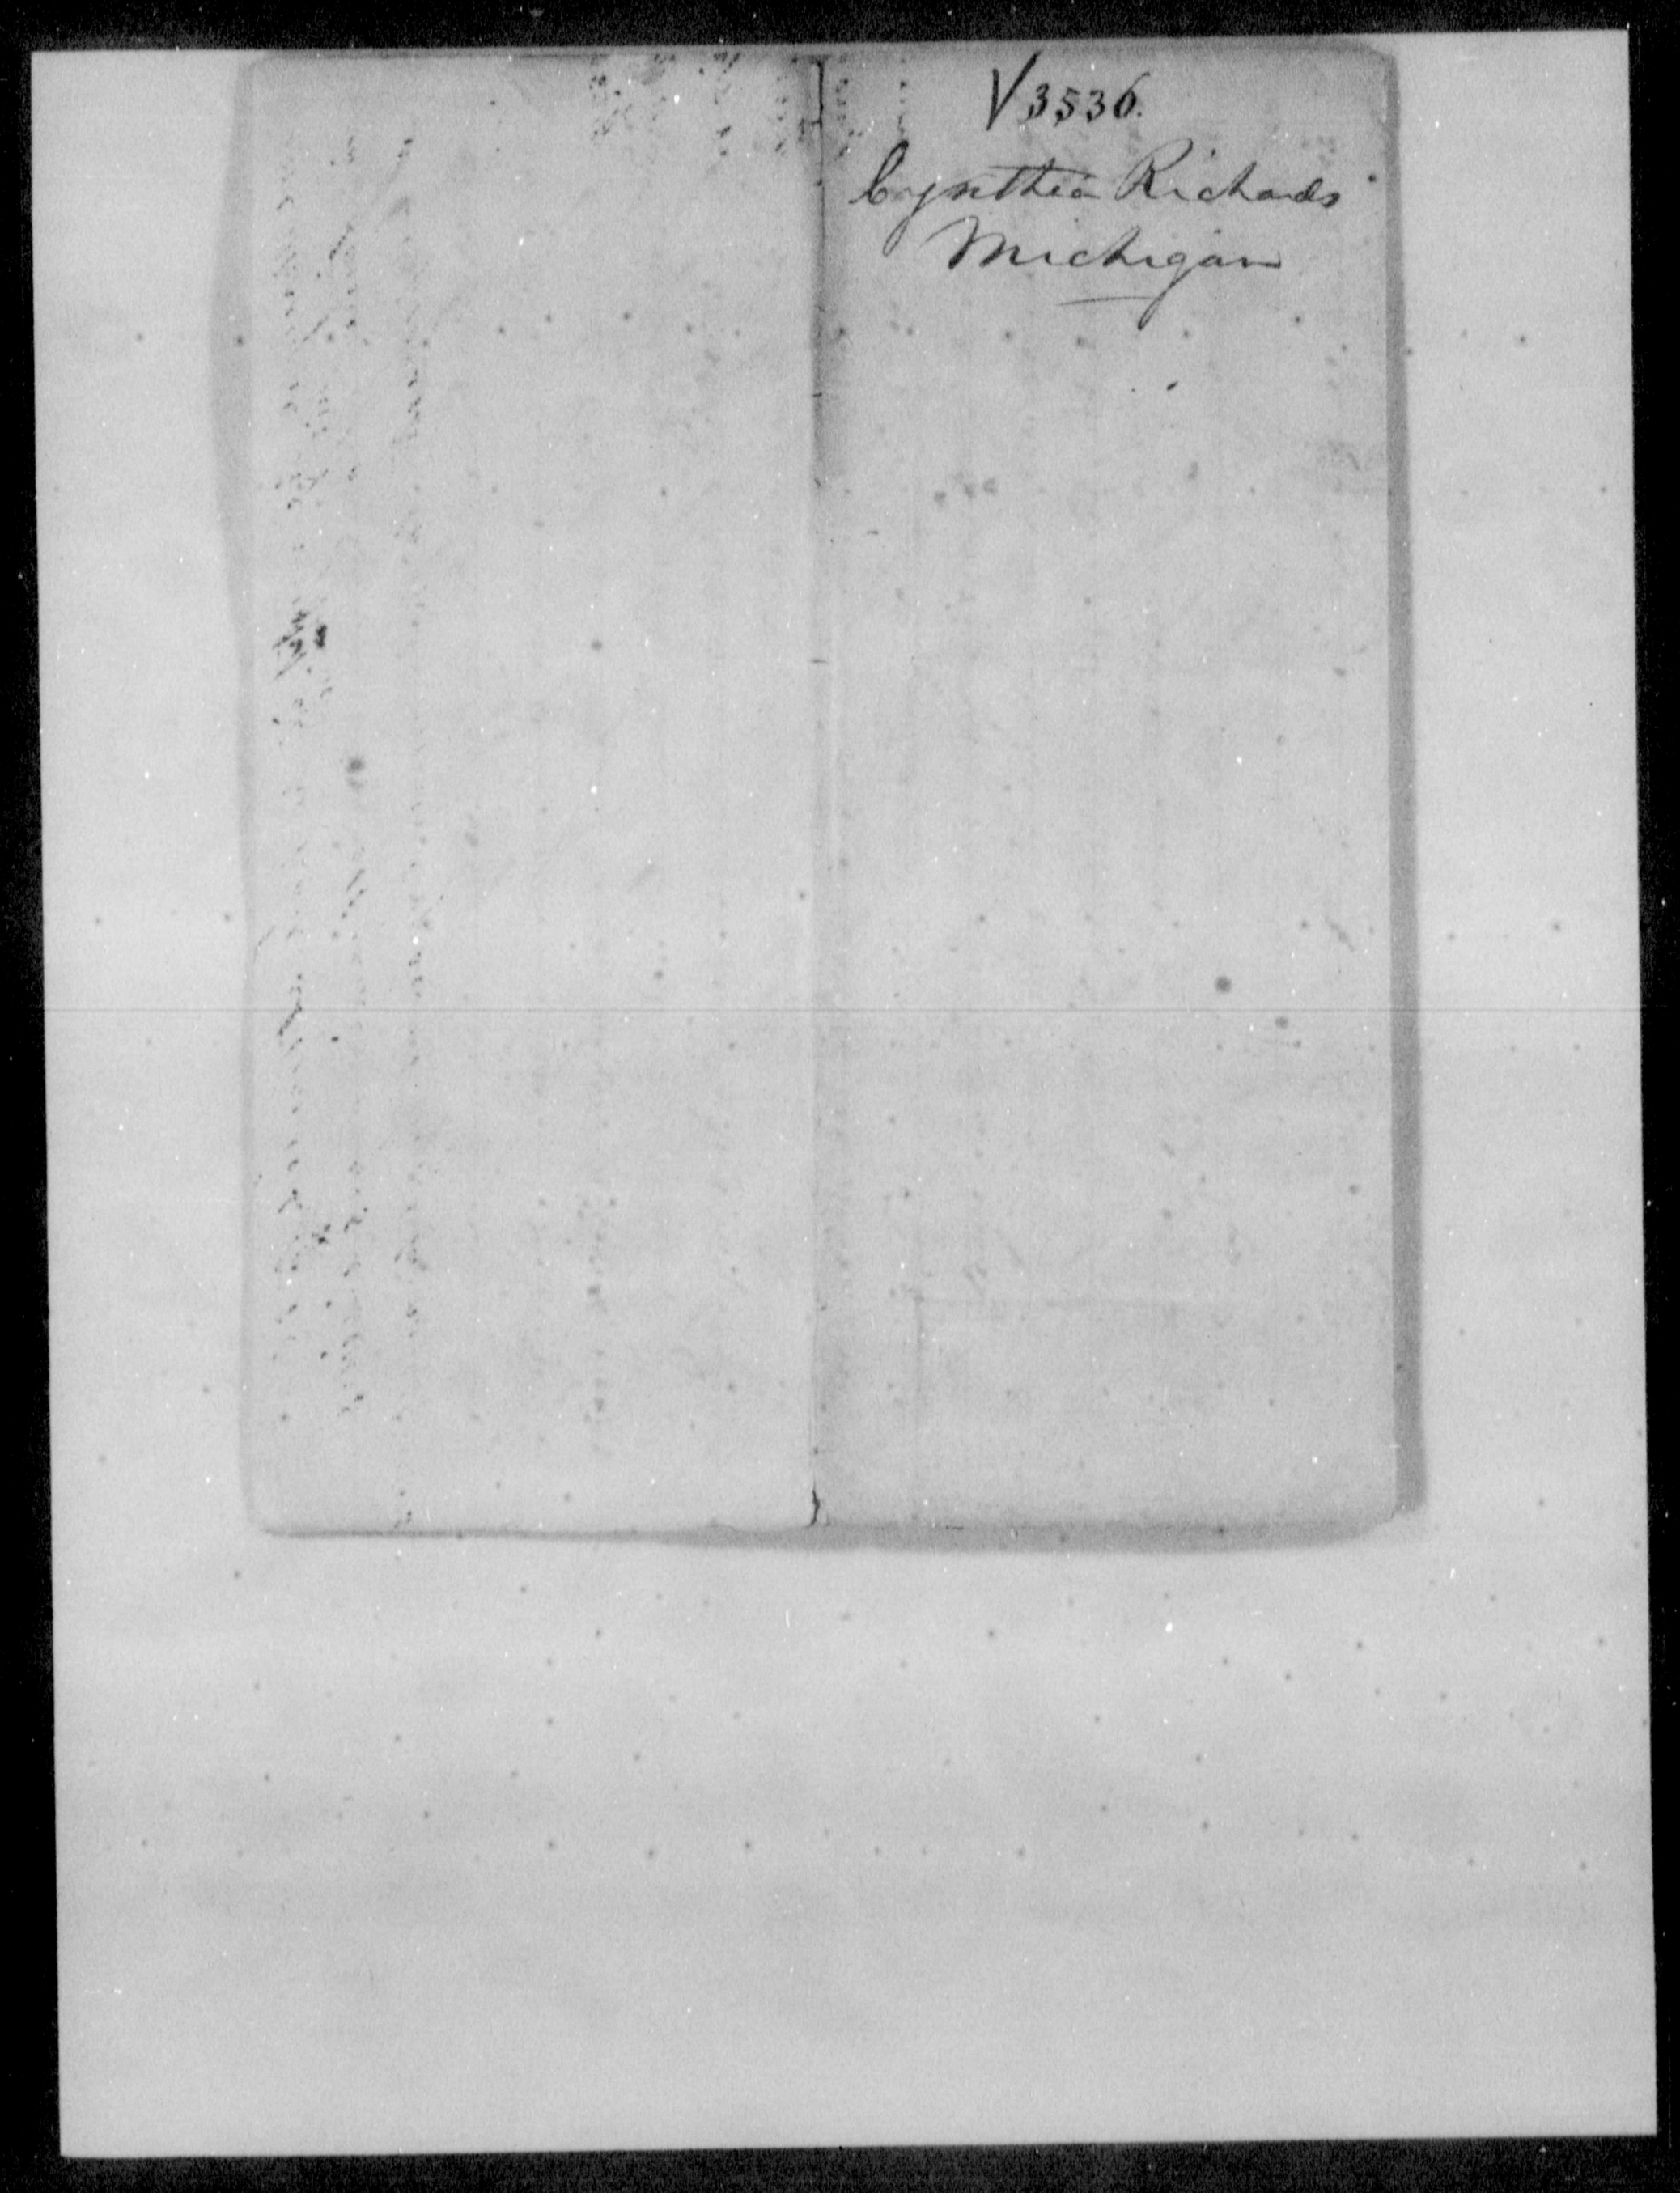✓ 3536.
Cynthia Richards
Michigan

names: Cynthia Richards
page: 16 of 109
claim: widow's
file: W. 5709, for Thomas Richards, New Hampshire